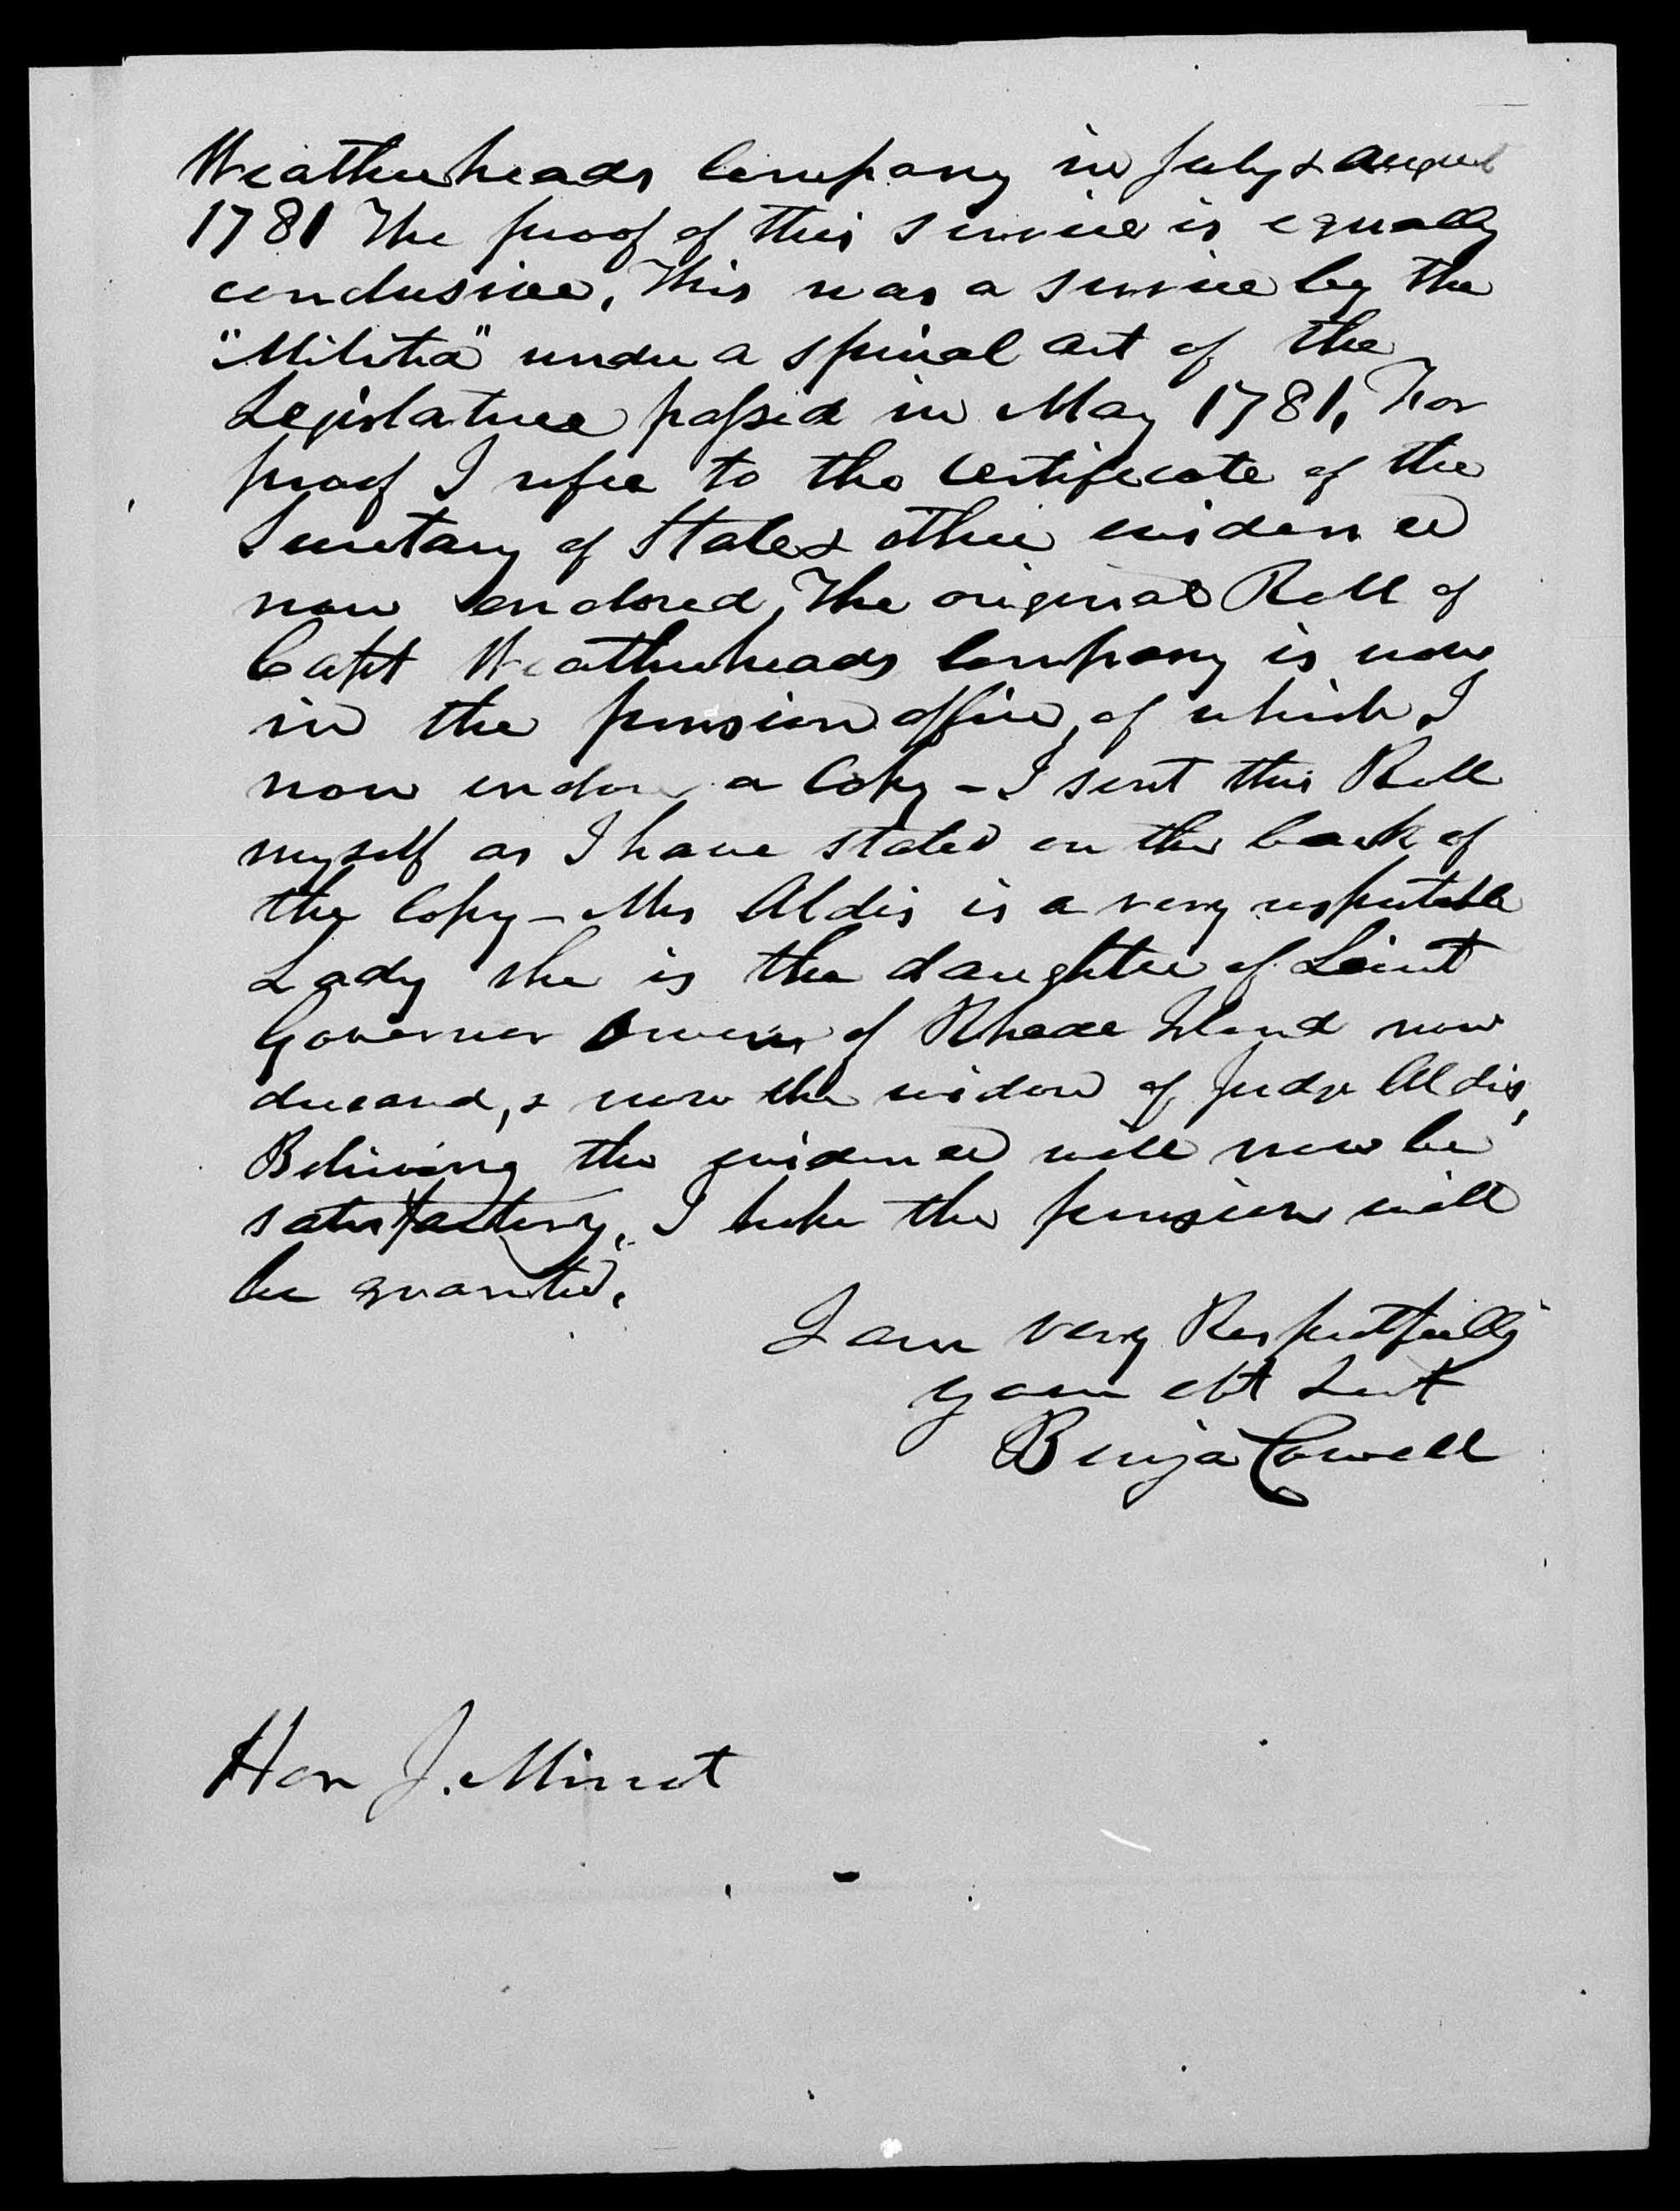Weatherhead's Company in July & Auguest 1781. The proof of this service is equally conclusive. This was a service by the "Militia" under a special act of the Legislature passed in May 1781. For proof I refer to the certificate of the Secretary of State & other evidence now enclosed. The original Roll of Capt. Weatherhead's Company is now in the pension office of which I now enclose a Copy. I sent this Roll myself as I have stated on the back of the copy, Mrs. Aldis is a very respectable Lady. She is the daughter of Lieut. Governor Owen of Rhode Island now deceased & was the widow of Judge Aldis. Believing the evidence will now be satisfactory, I hope the pension will be granted. I am very respectfully your obt. svt. Benja Cowell Hon J. Minot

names: Aldis, J Minot, Aldis, Owen, Benja Cowell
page: 35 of 76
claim: widow's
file: W. 15,517, William Gadcomb, R.I.